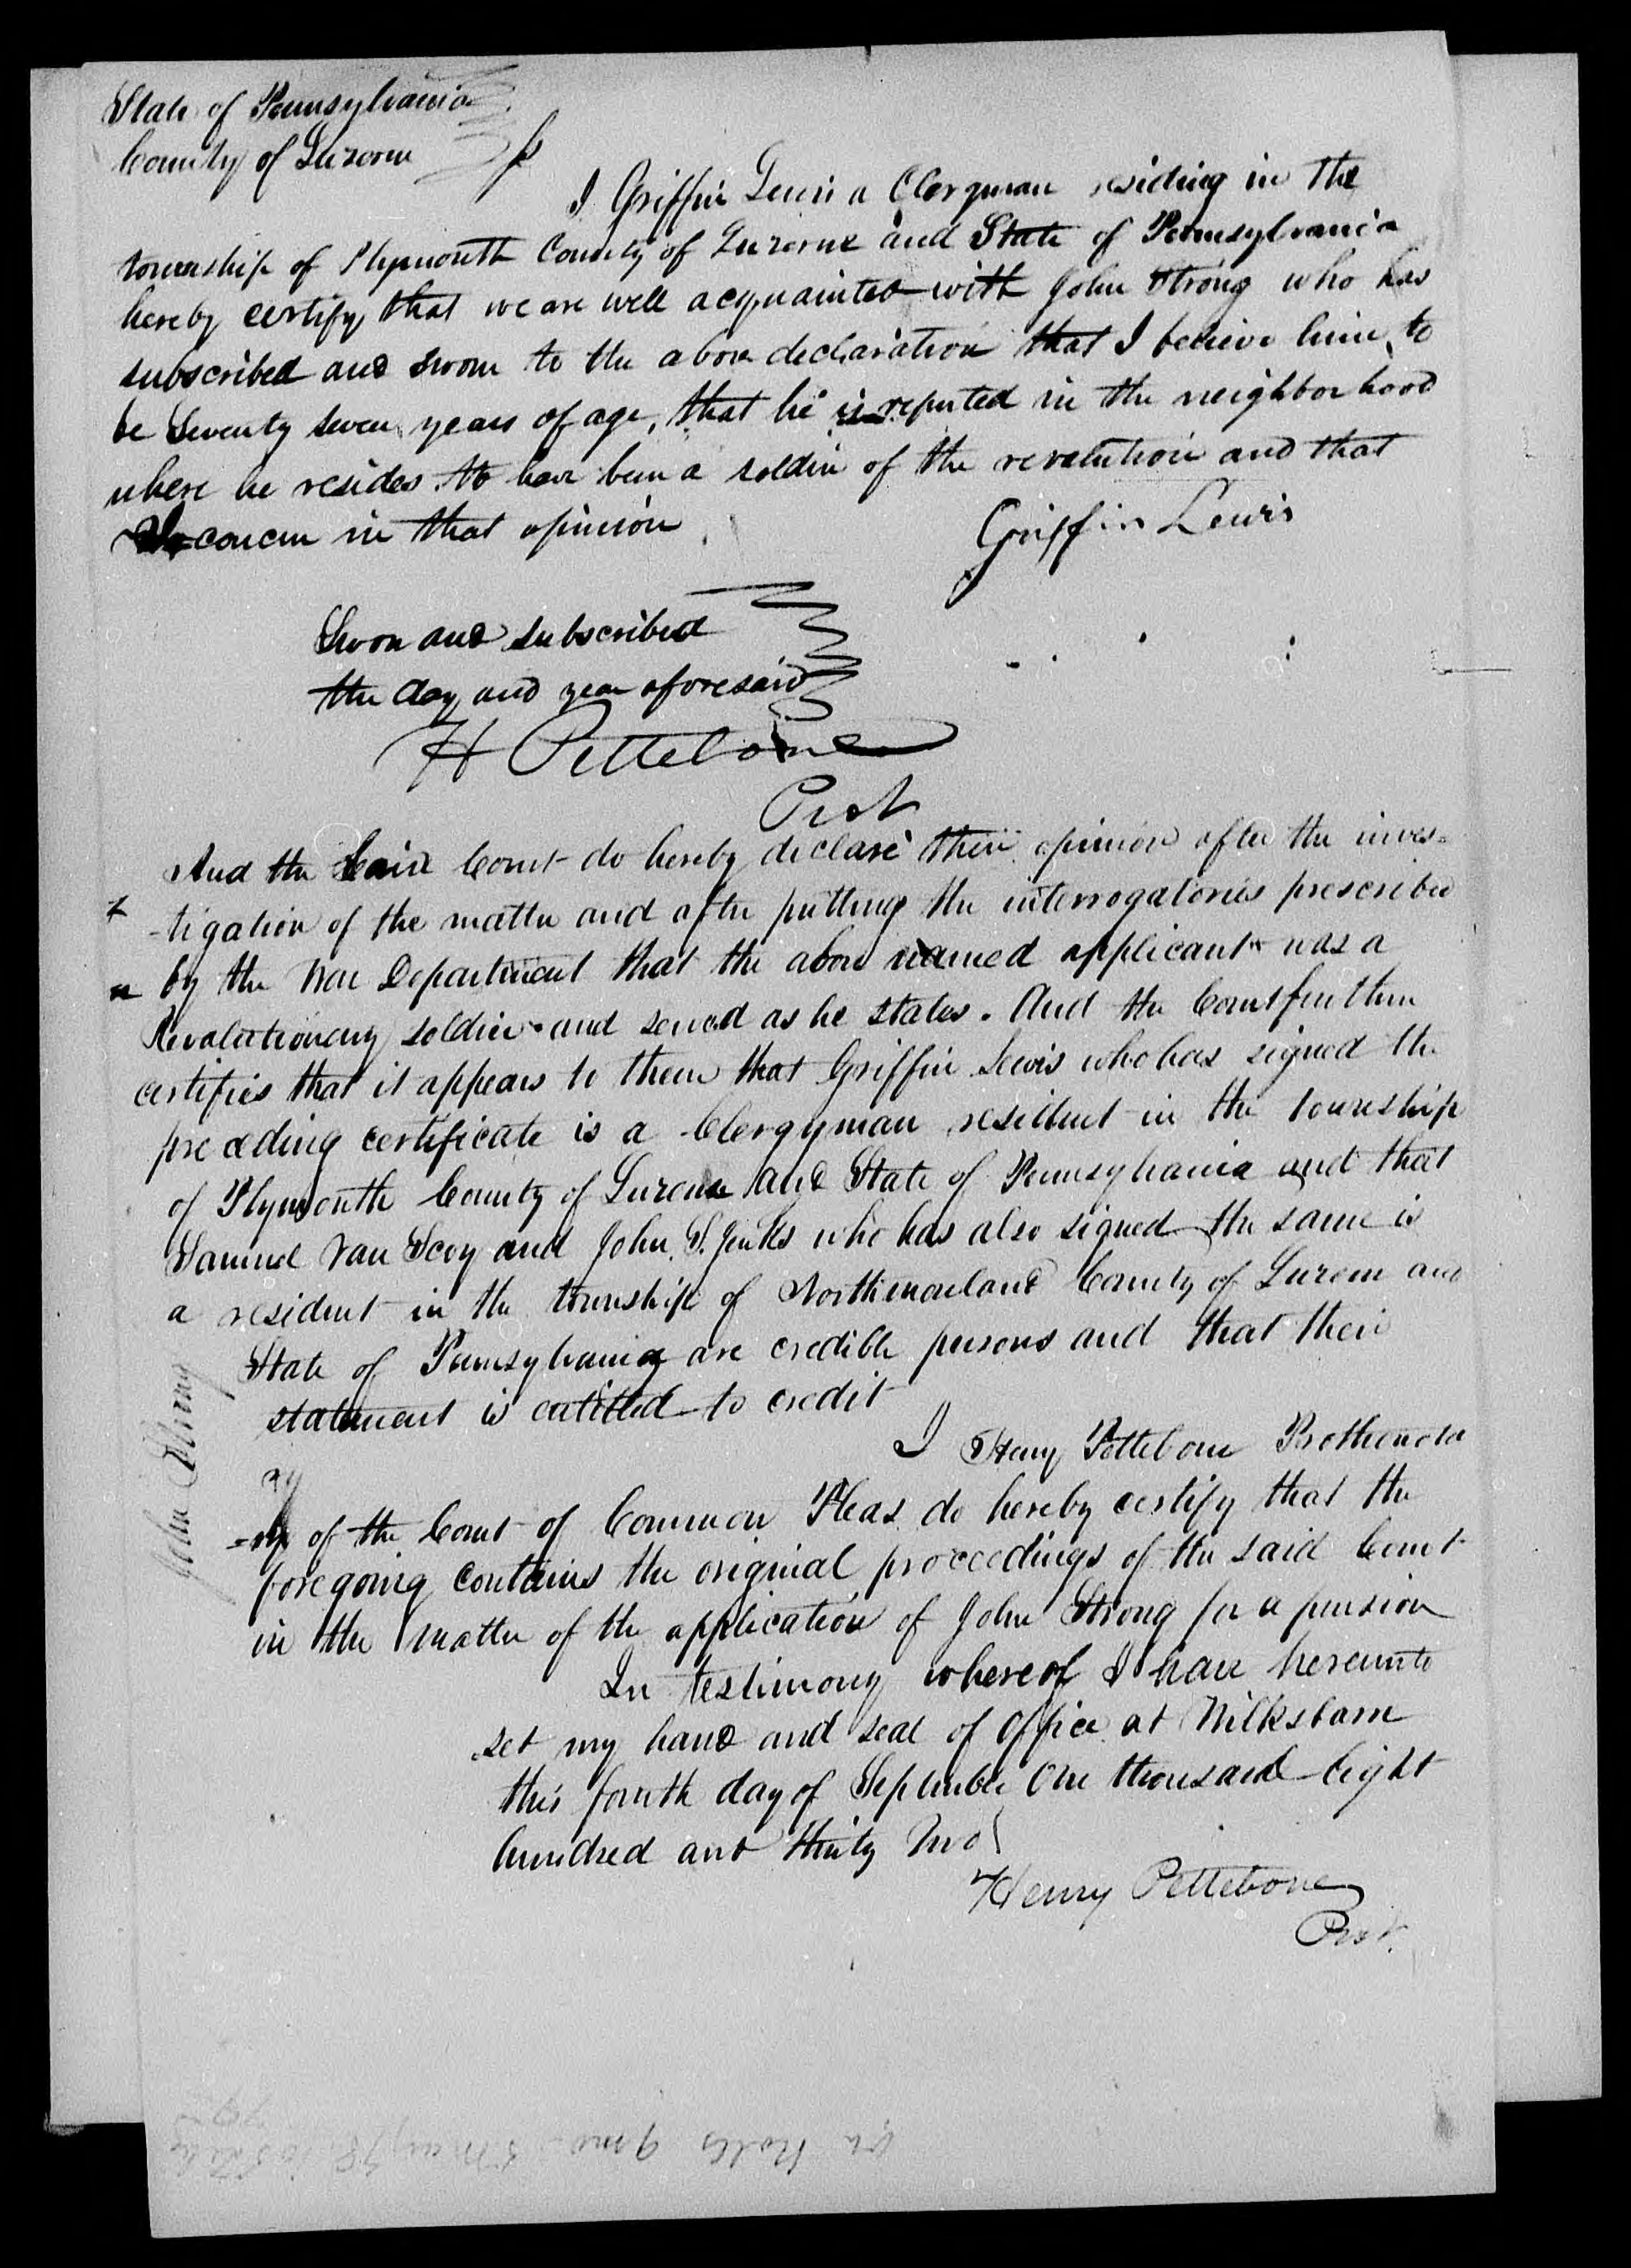State of Pennsylvania 
County of Luzerne} Ss
I Griffin Lewis a Clergyman residing in the township of Plymouth County of Luzerne and State of Pennsylvania hereby certify that we are well acquainted with John Strong who has subscribed and sworn to the above declaration that I believe him to be seventy seven years of age, that he is reputed in the neighborhood where he resides to have been a soldier of the revolution and that I concur in that opinion. 
[signed] Griffin Lewis 
Sworn and subscribed the day and year aforesaid 
[signed] H Pettibone Prob 

And the said Court do hereby declare their opinion after the investigation of the matter and after putting the interrogatories prescribed by the War Department that the above named applicant was a Revolutionary soldier and served as he states. And the Court further certifies that it appears to them that Griffin Lewis who has signed the preceding certificate is a Clergyman resident in the Township of Plymouth County of Luzerne said State of Pennsylvania and that Samuel Van Scoy and John S. Jenks who has also signed the same is a resident in the township of Northmoreland County of Luzerne and State of Pennsylvania are credible persons and that their statement is entitled to credit 
I Henry Pettibone Prothonotary of the Court of Common Pleas do hereby certify that the foregoing contains the original proceedings of the said Court in the matter of the application of John Strong for a pension 
In testimony whereof I have hereunto set my hand and seal of Office at Wilkesbarre this fourth day of September one thousand Eight hundred and thirty two 
[signed] Henry Pettibone   Prot.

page: 31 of 33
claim: widow's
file: W. 4592, for John Strong, New York